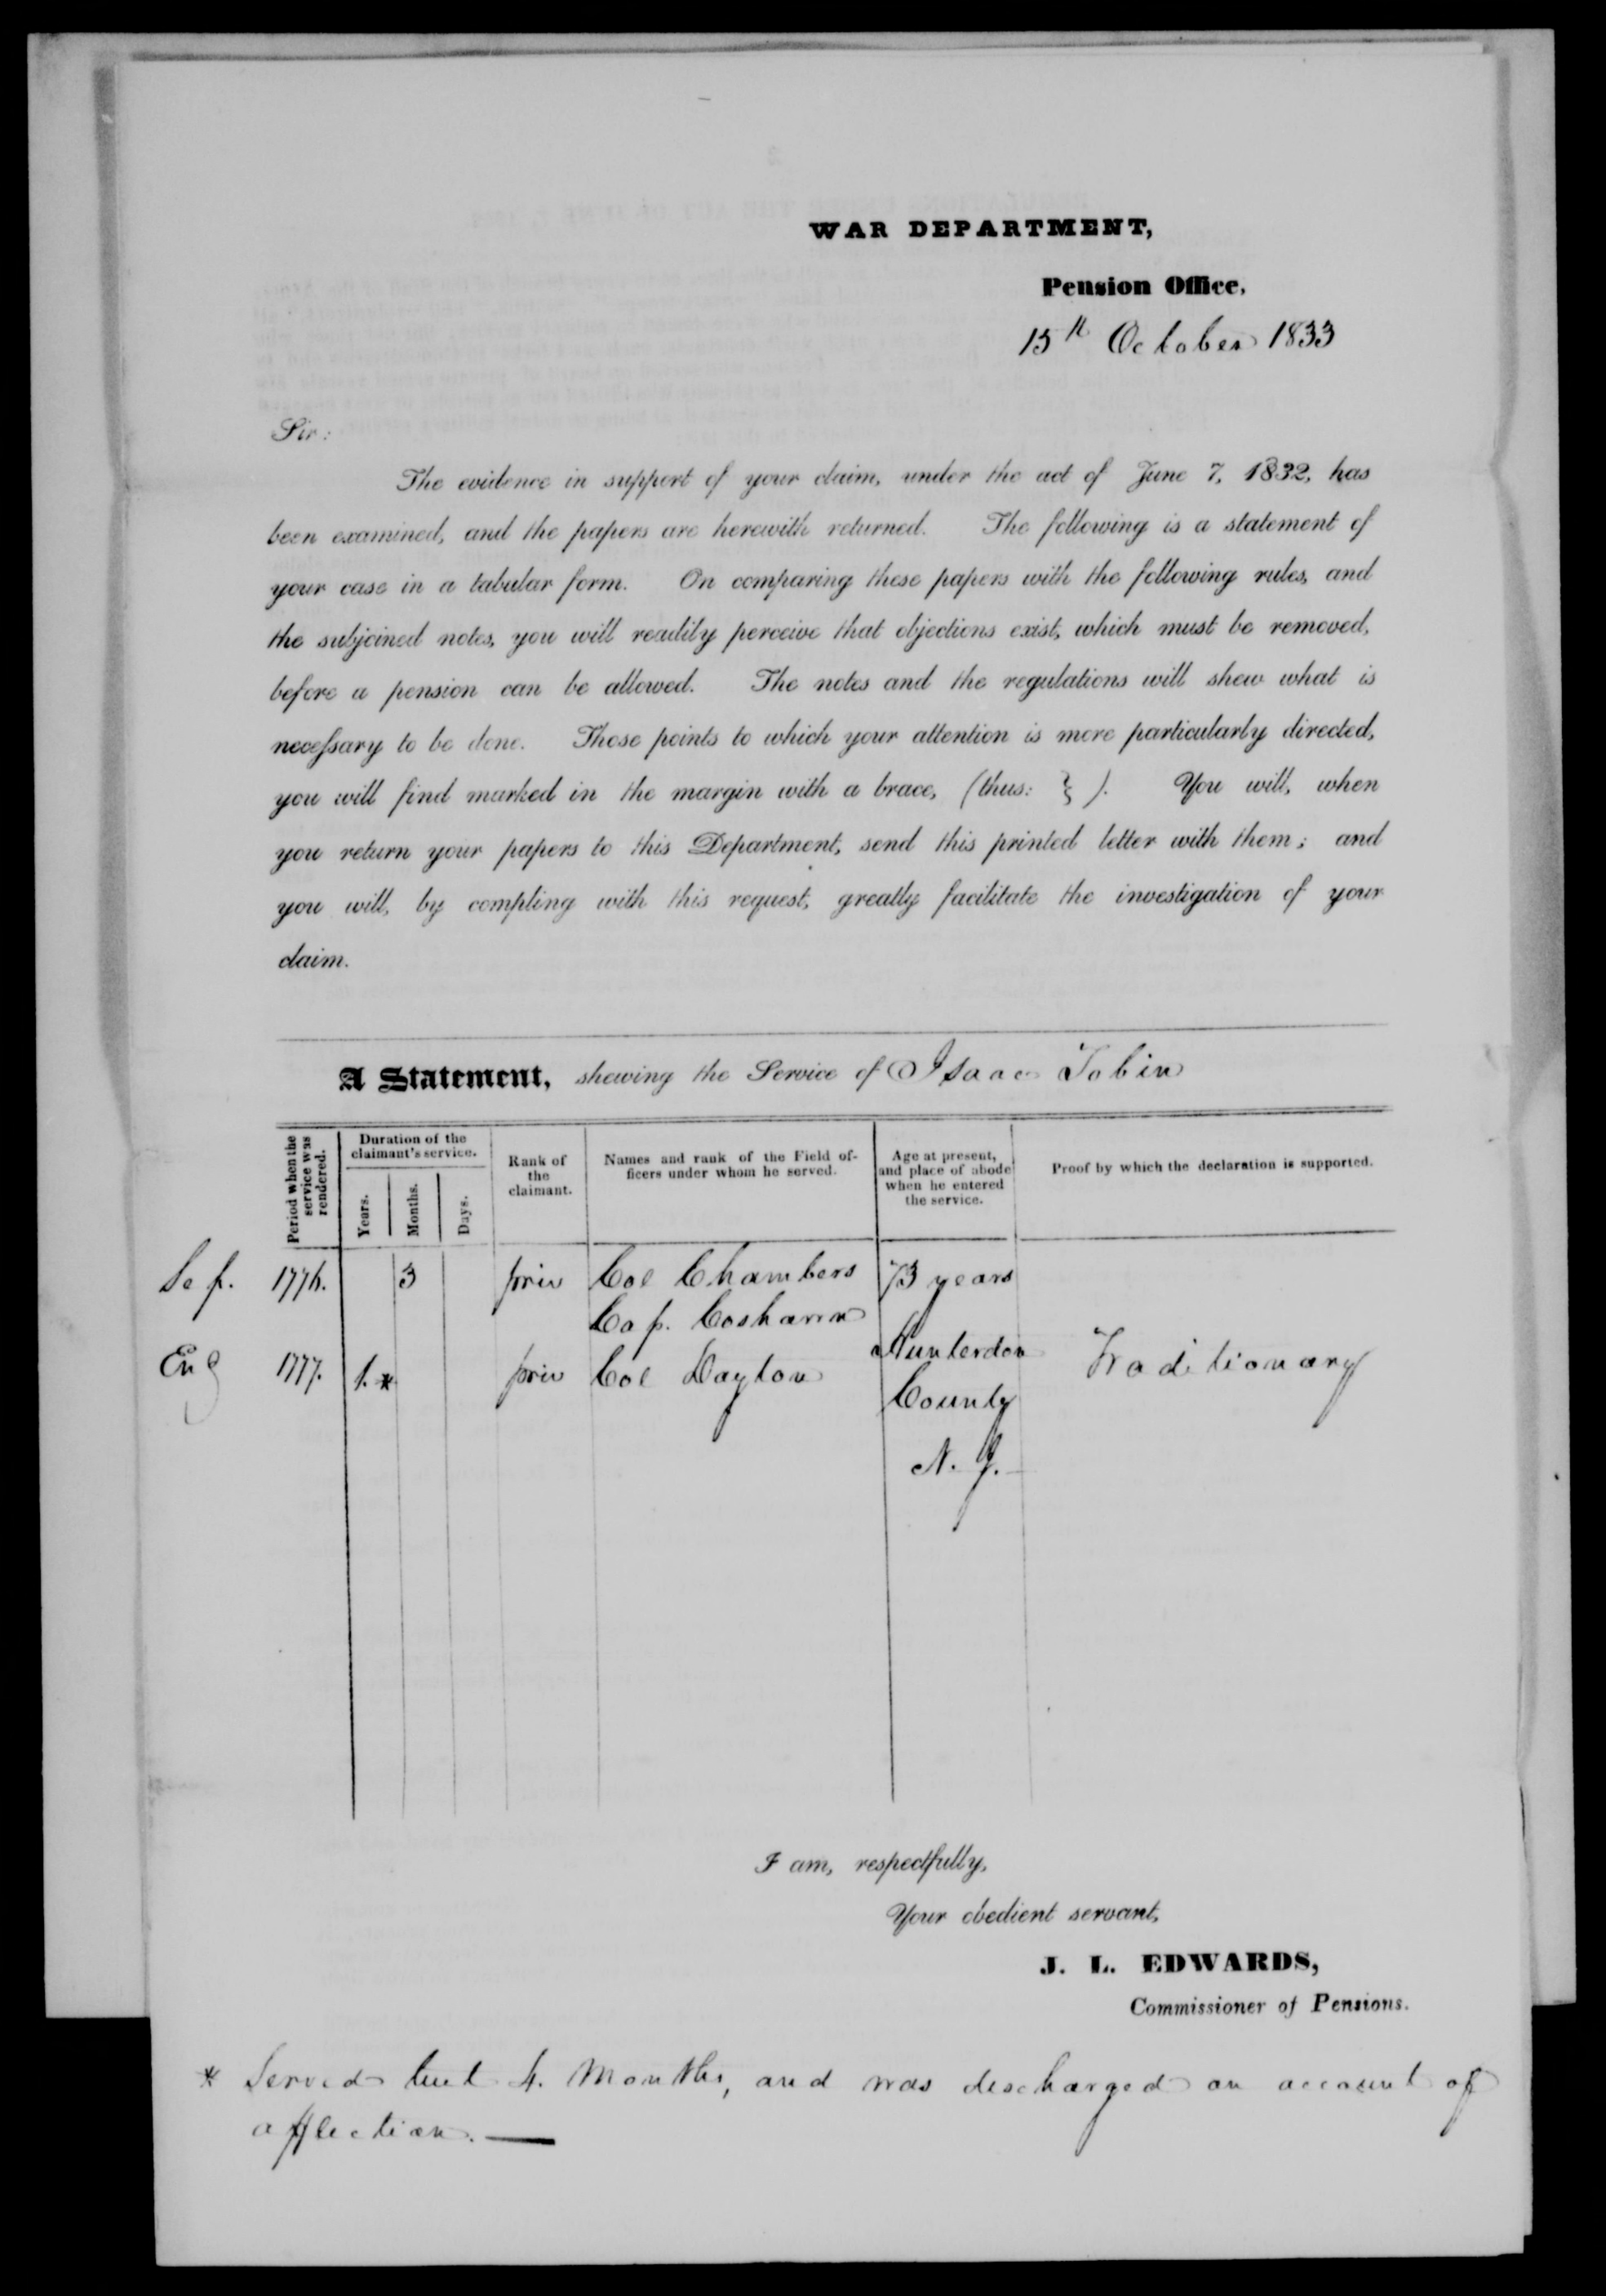WAR DEPARTMENT
Pension Office,
15th October 1833
Sir:
The evidence in support of your claim under the act of June 7, 1832, has been examined, and the papers are herewith returned. The following is a statement of your case in a tabular form. On comparing these papers with the following rules, and the subjoined notes, you will readily perceive that objects exist, which must be removed before a pension can be allowed. The notes and the regulations will show what is necessary to be done. Those points to which your attention is more particularly directed you will find marked in the margin with a brace, (thus: }). You will, when you return your papers to this Department, send this printed letter with them; and you will, by compling with this request, greatly facilitate the investigation of your claim. 
A Statement, showing the Service of Isaac Tobin

Period when the service was rendered | Duration of the claimant's service. Years. | Months. | Days. 
Rank of the claimant. | Names and rank of the Field officers under whom he served. | Age at present, and place of adobe when he entered the service. | Proof by which the declaration is supported. 

Sept. 1776 3 [illegible] Col Chambers Cap Coshann 73 years
End 1777 1* [illegible] Col Dayton Hunterdon County N.J. 
Traditionary

I am, respectfully, Your obedient servant, J. L. Edwards, Commissioner of Pensions. 

*Served but 4 Months, and was discharged on account of affliction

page: 4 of 25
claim: survivor's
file: S. 6258, for Isaac Tobin, New Jersey